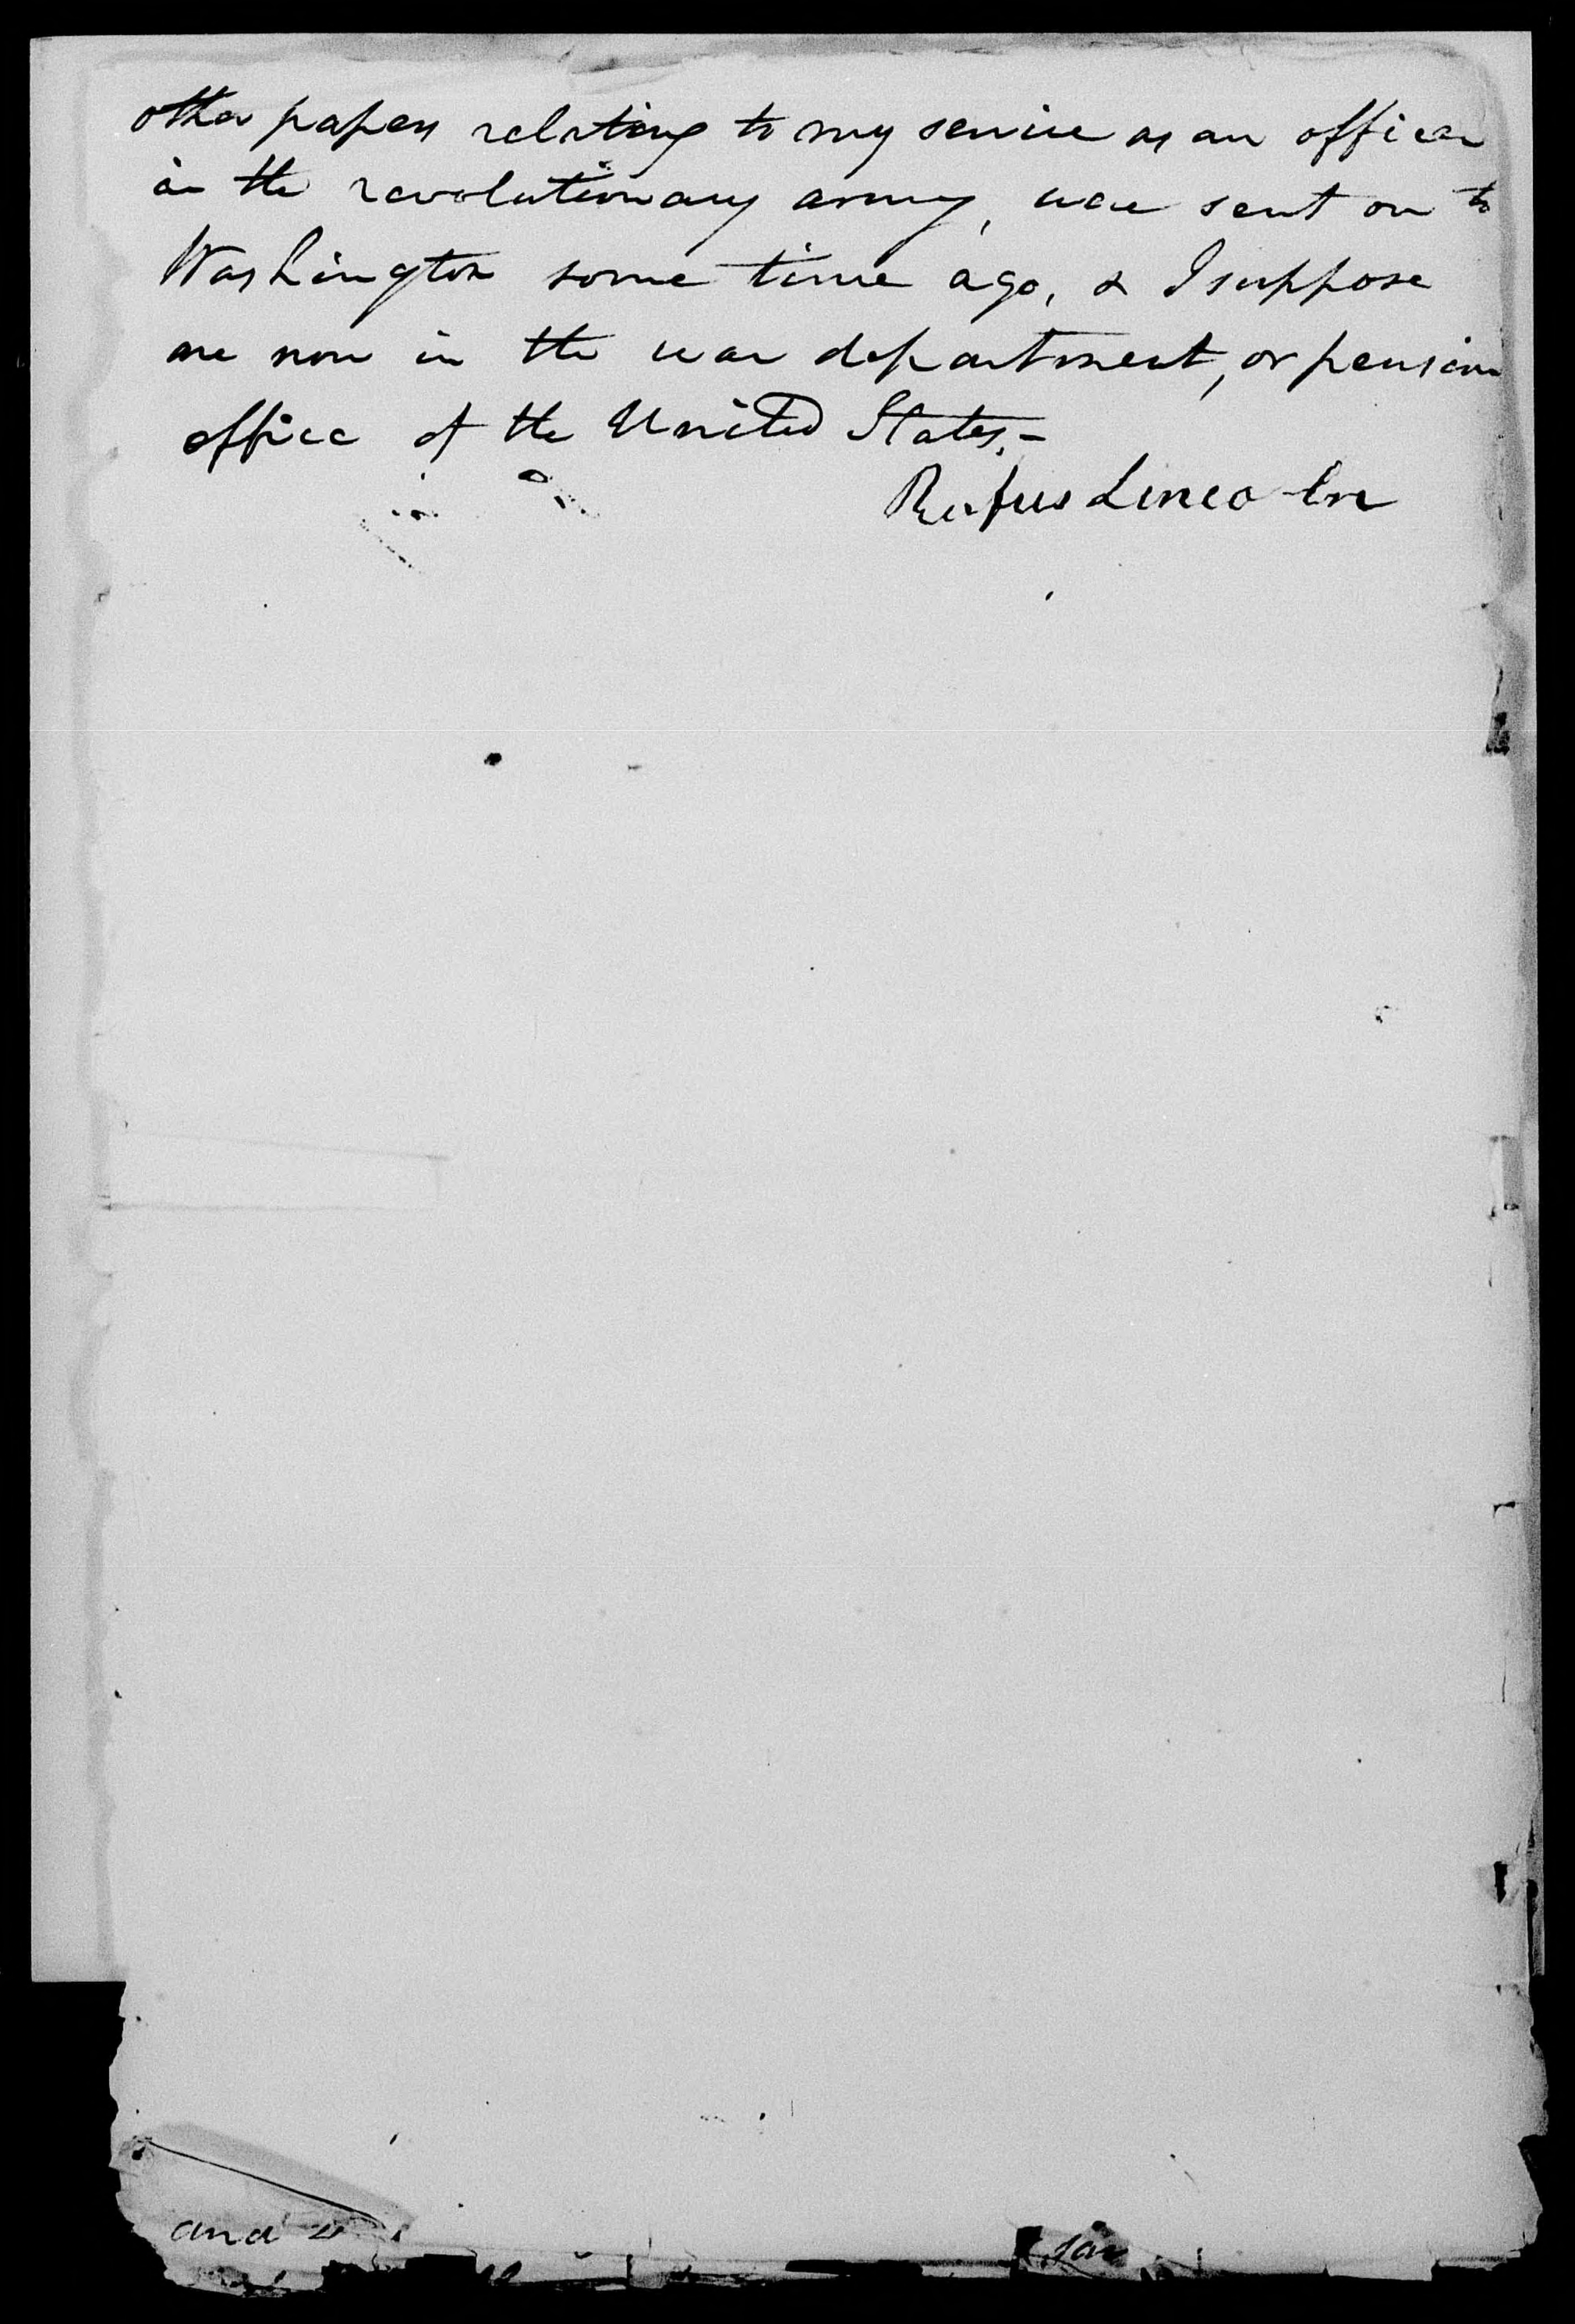other papers relating to my service as an officer
revolutionary army, were sent on to
Washington some time ago, & I suppose
are now in the war department, or pension
office of the United States,
Rufus Lincoln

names: Rufus Lincoln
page: 60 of 82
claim: widow's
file: W. 13,634, for Rufus Lincoln, Massachusetts